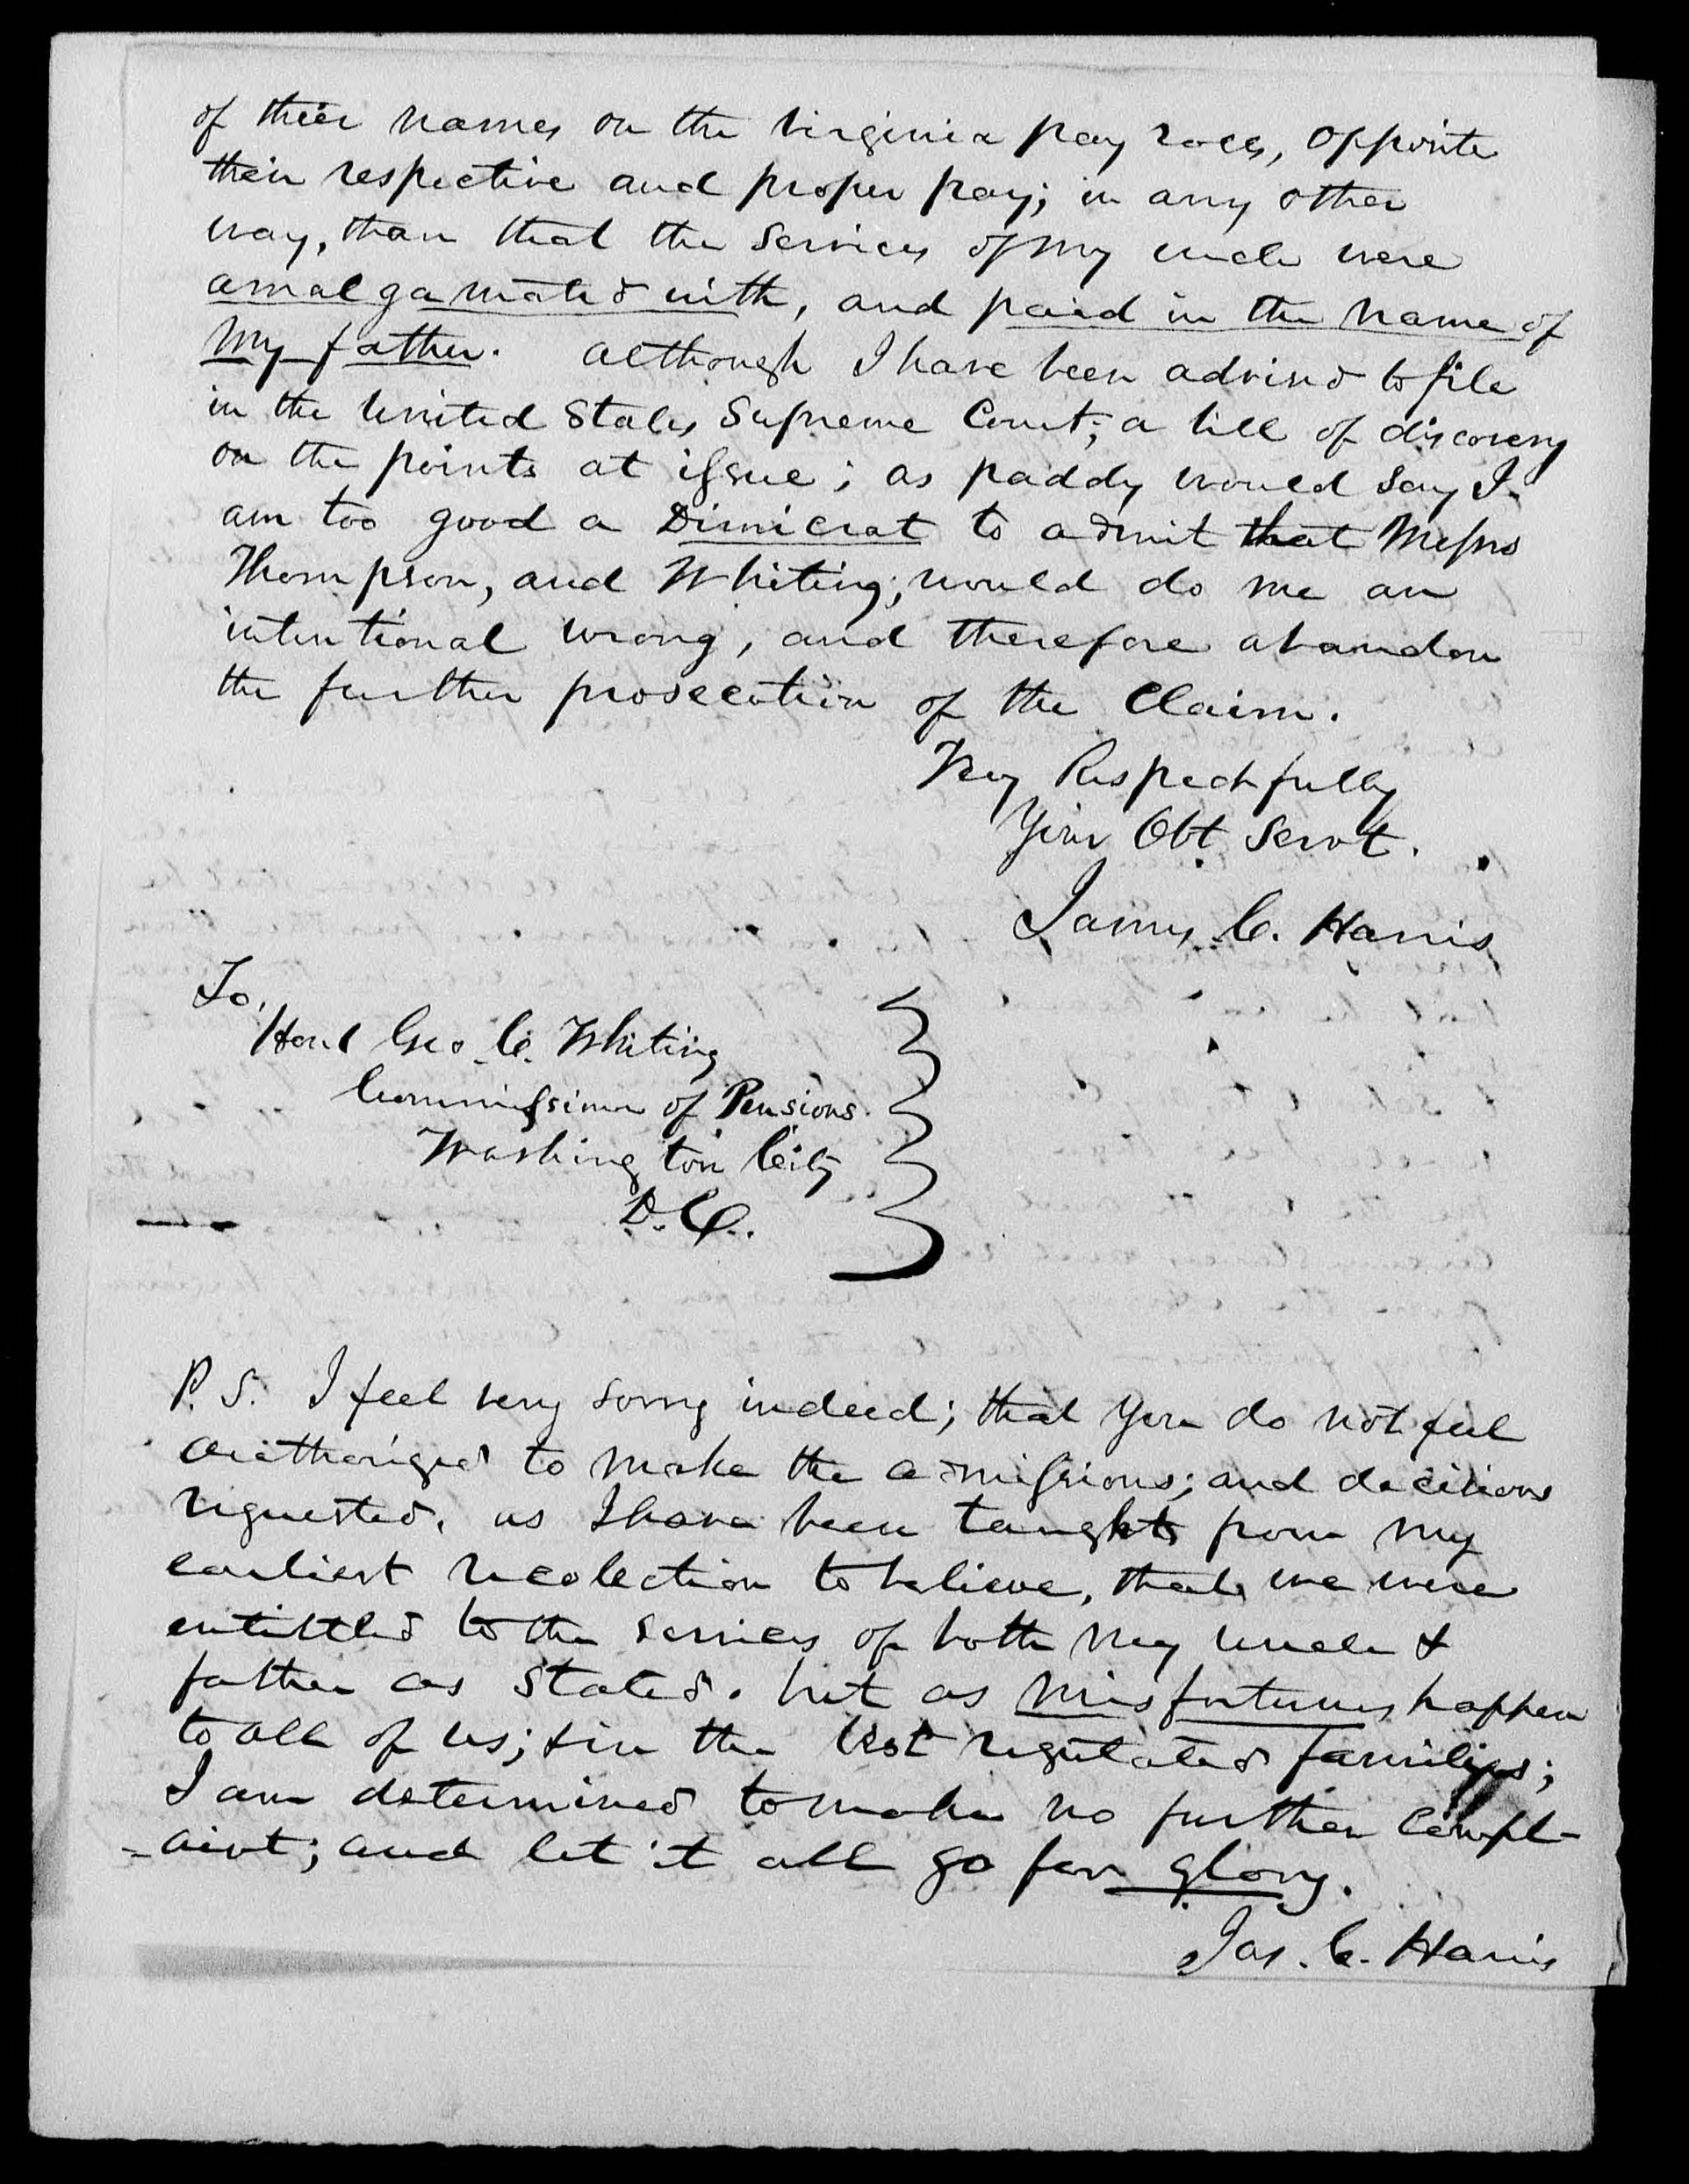of their names on the Virginia pay rolls, opposite their respective and proper pay, in any other way, than that the services of my uncle were amalgamated & with, and paid in the name of my father.  Although I have been advised to file in the United States Supreme Court, a bill of discovery on the points at issue, as paddy would say I am too good a Dimicrat [sic] to admit that Messrs Thompson, and Whiting, would do me an intentional wrong, and therefore abandon the further prosecuuion of the claim.
Very Respectfully
Your Obt Servt
James C. Harris

To, 
Honl Geo C. Whiting           }
Commissioner of Pensions  }
Washington City                 }
D.C.                                     }


P.S.  I feel very sorry indeed, that you do not feel authorized to make the admissions, and decisions requested, as I have been taught from my earliest recolection [sic] to believe, that we were entitled to the services of both my uncle & father as stated.   But as misfortunes happen to all of us, & in the best [?] families, I am determined to make no further complaint, and let it all go for glory.
Jas. C. Harris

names: Jas C Harris, Geo C Whiting, James C Harris, Thompson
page: 153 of 160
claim: rejected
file: R. 4666, James Harris, Va.